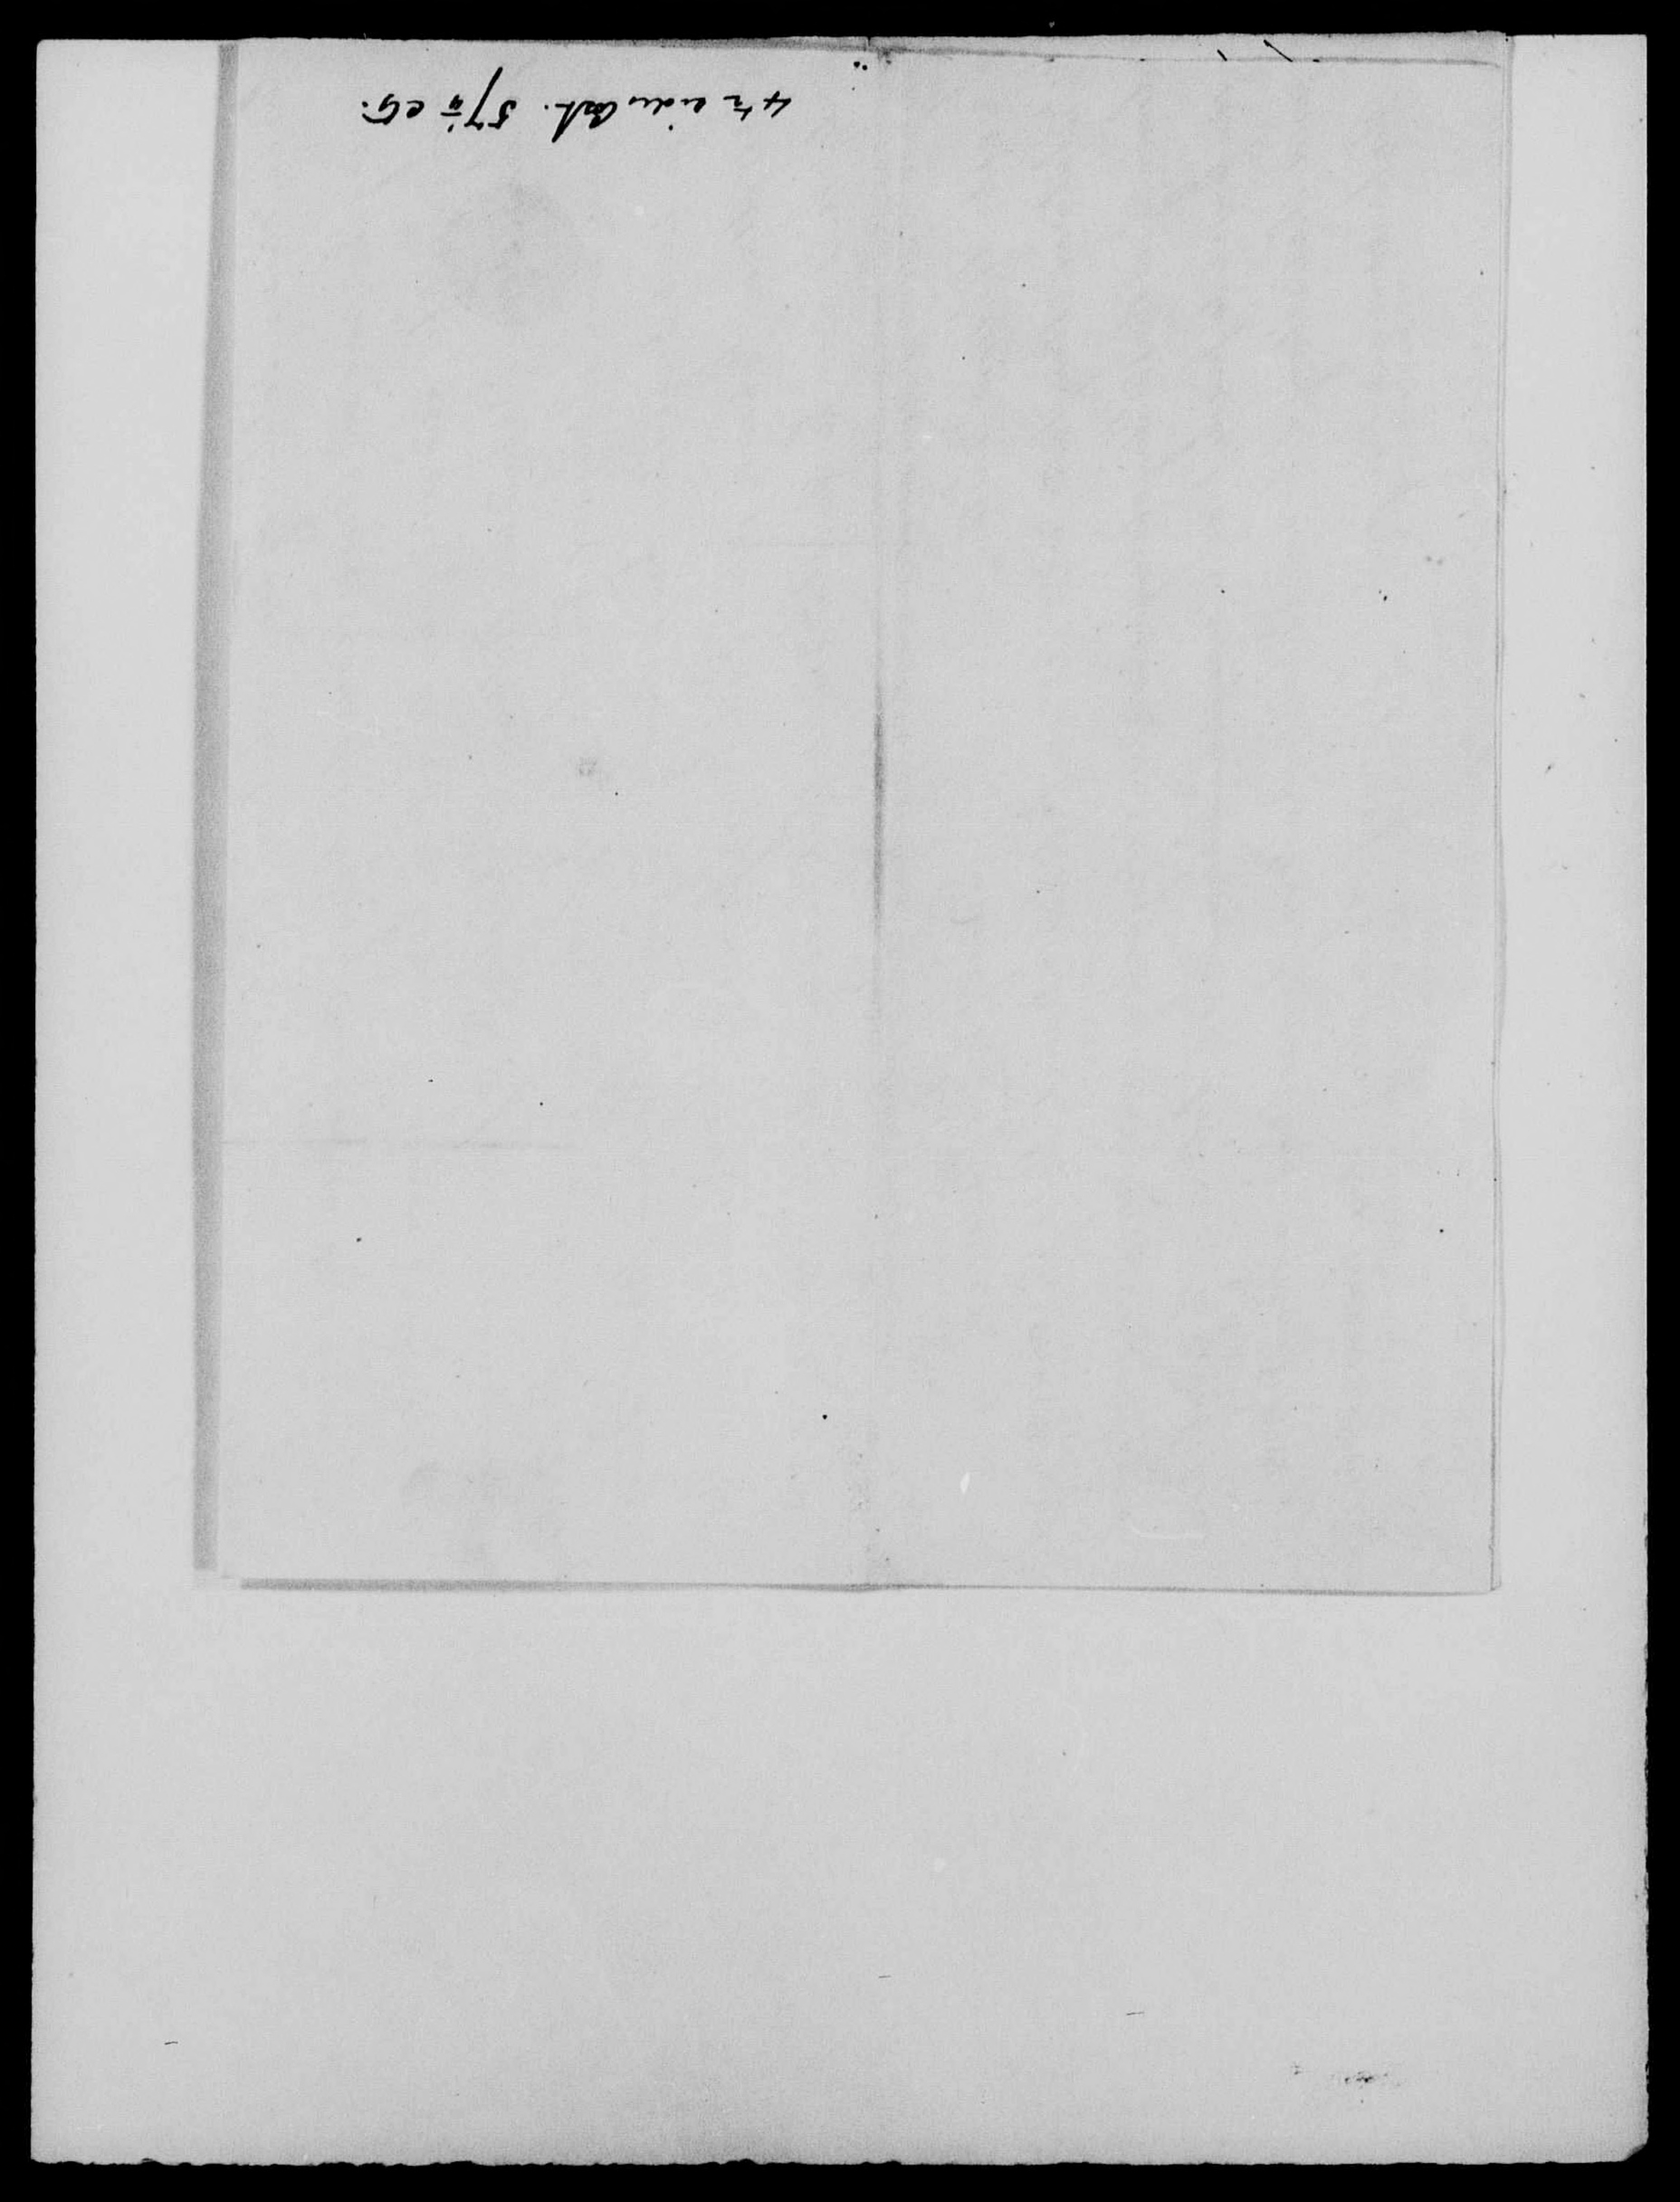4 1/2 sides cost. 57 1/4 cts.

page: 6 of 9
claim: bounty land warrant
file: B.L.Wt. 2059-100, Augustine Cann, Md.